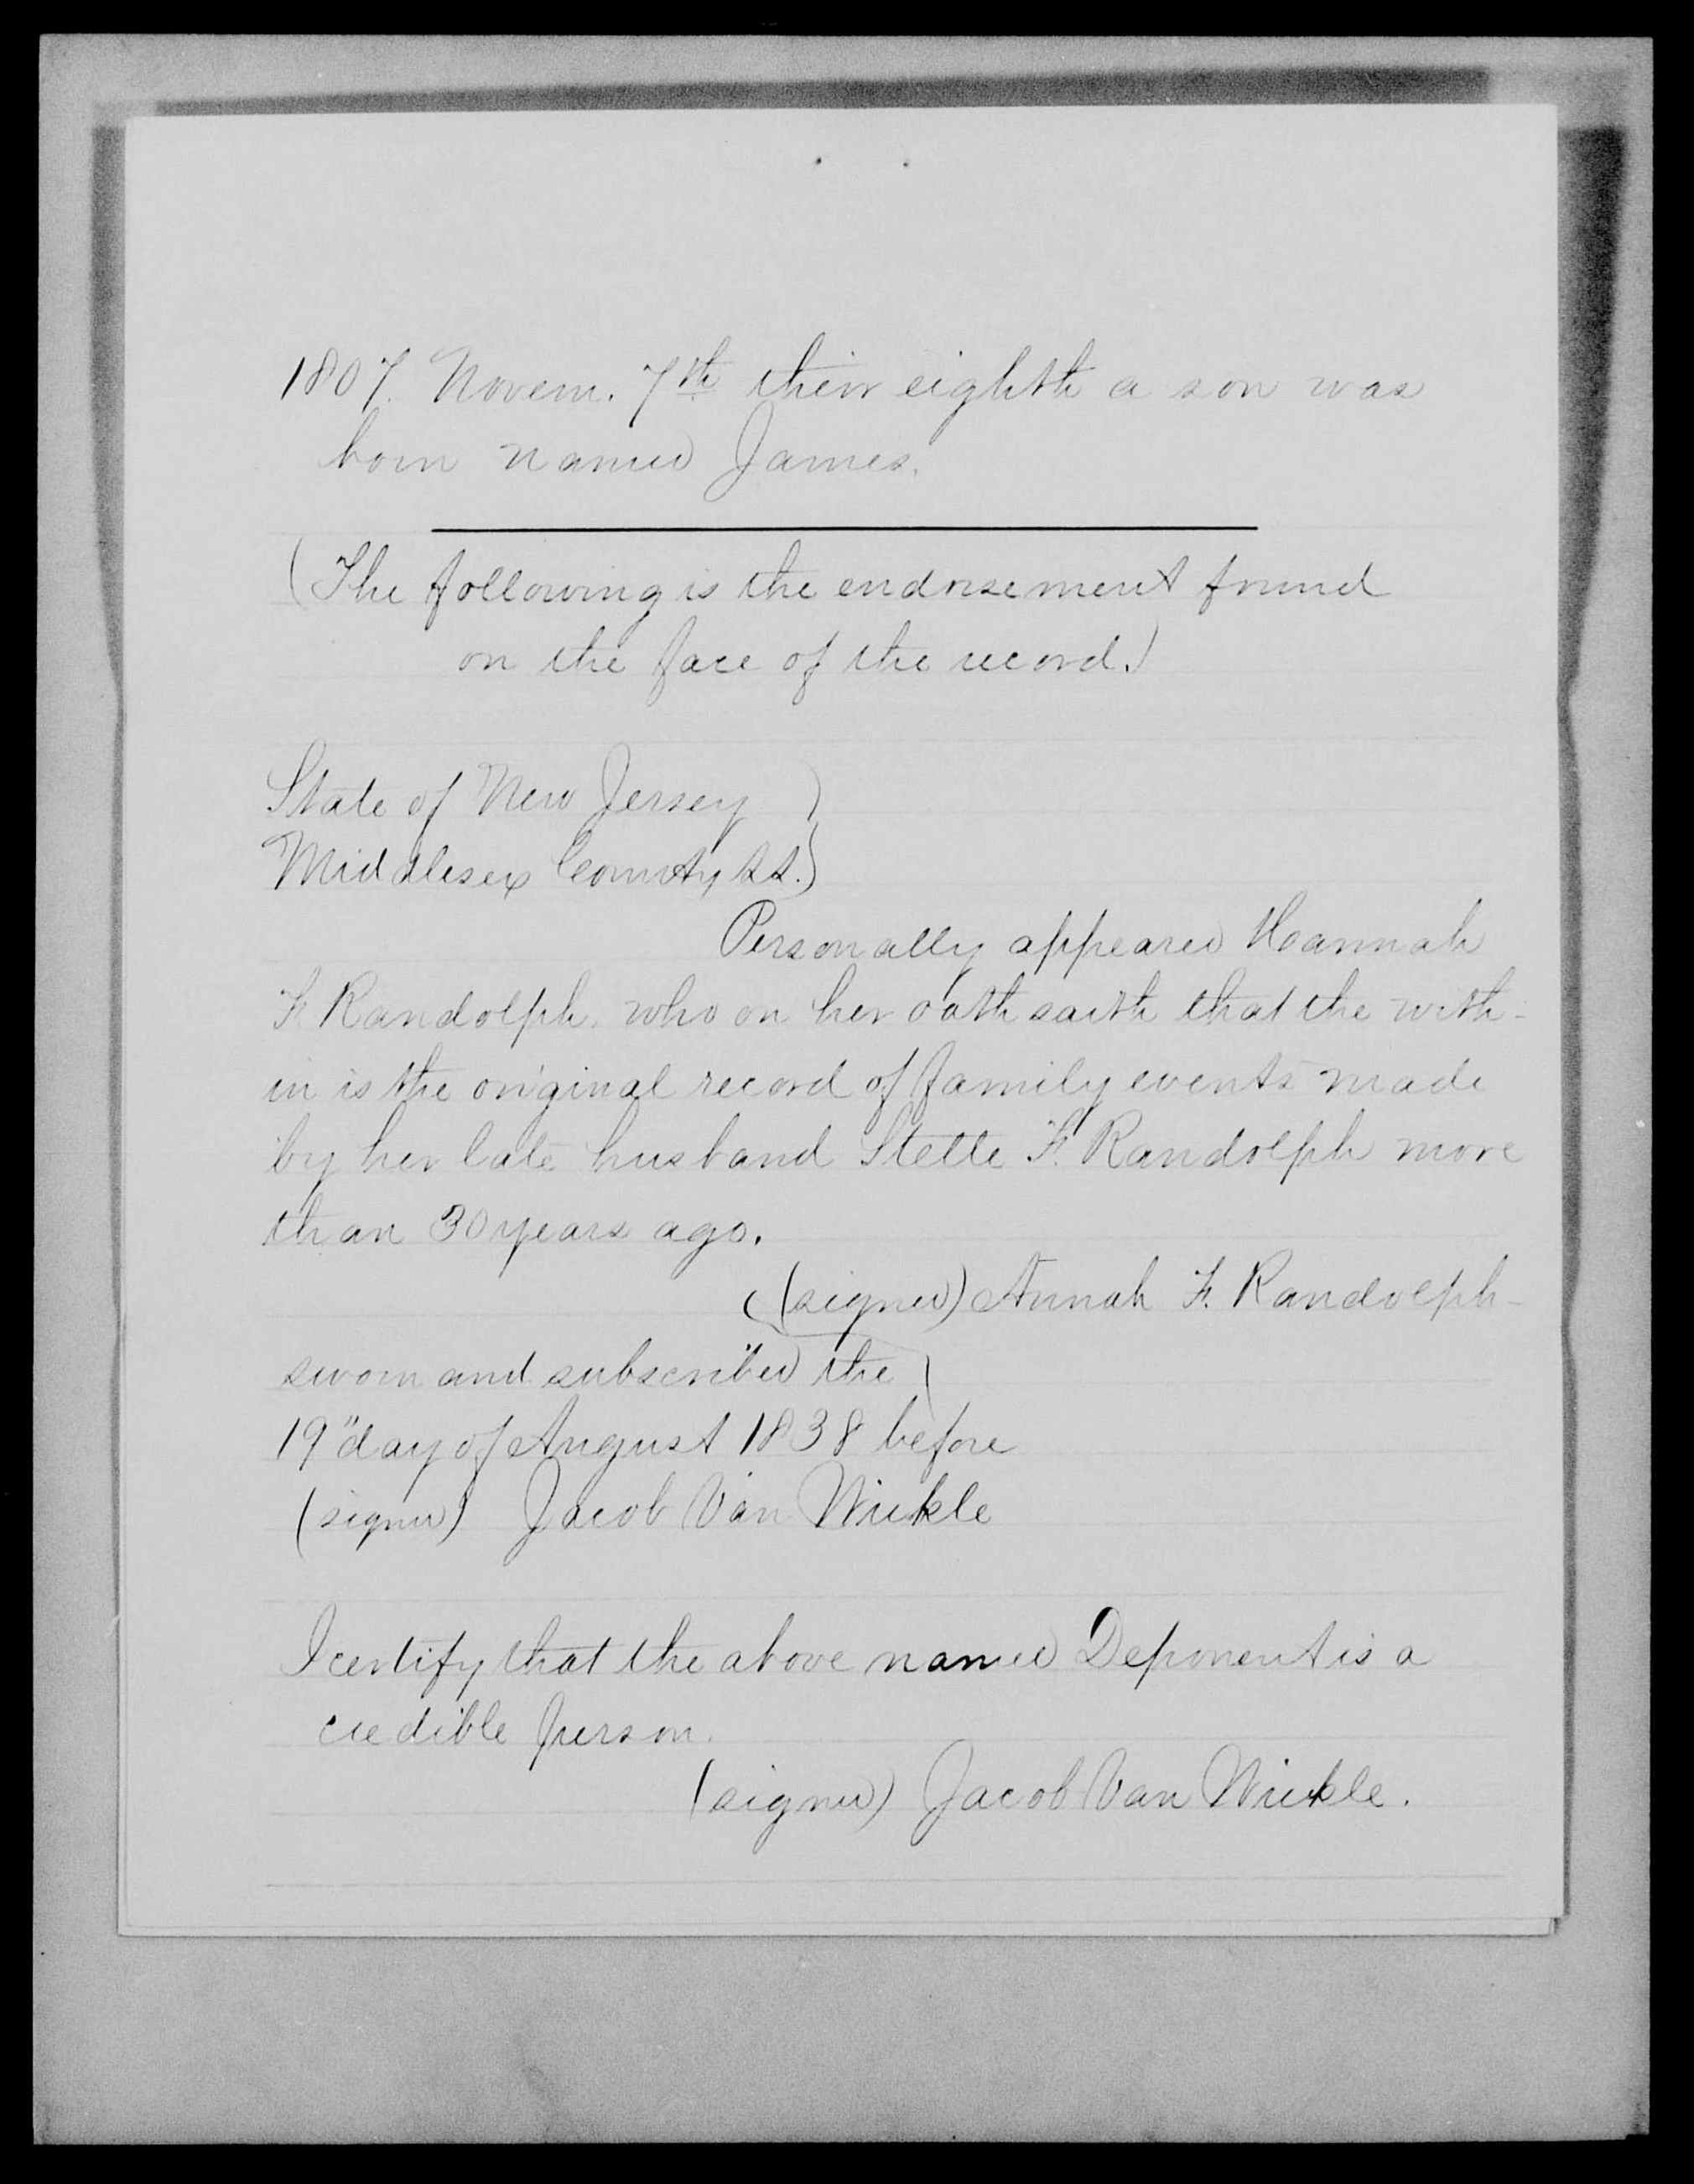1807. Novem. 7th their eighth a son was born named James.
(The following is the endorsement found on the face of the record.)
State of New Jersey
Middlesex County SS.
Personally appeared Hannah
F Randolph, who on her oath saith that the within is the original record of family events made by her late husband Stelle F. Randolph more than 30 years ago.
(signed ) Annah F. Randolph
sworn and subscribed the ┃ 19" day of August 1838 before (signed) Jacob Van Wickle
I certify that the above named Deponent is a credible person (signed) Jacob Van Wickle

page: 5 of 33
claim: widow's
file: W. 5,665, for Stelle F Randolph, New Jersey